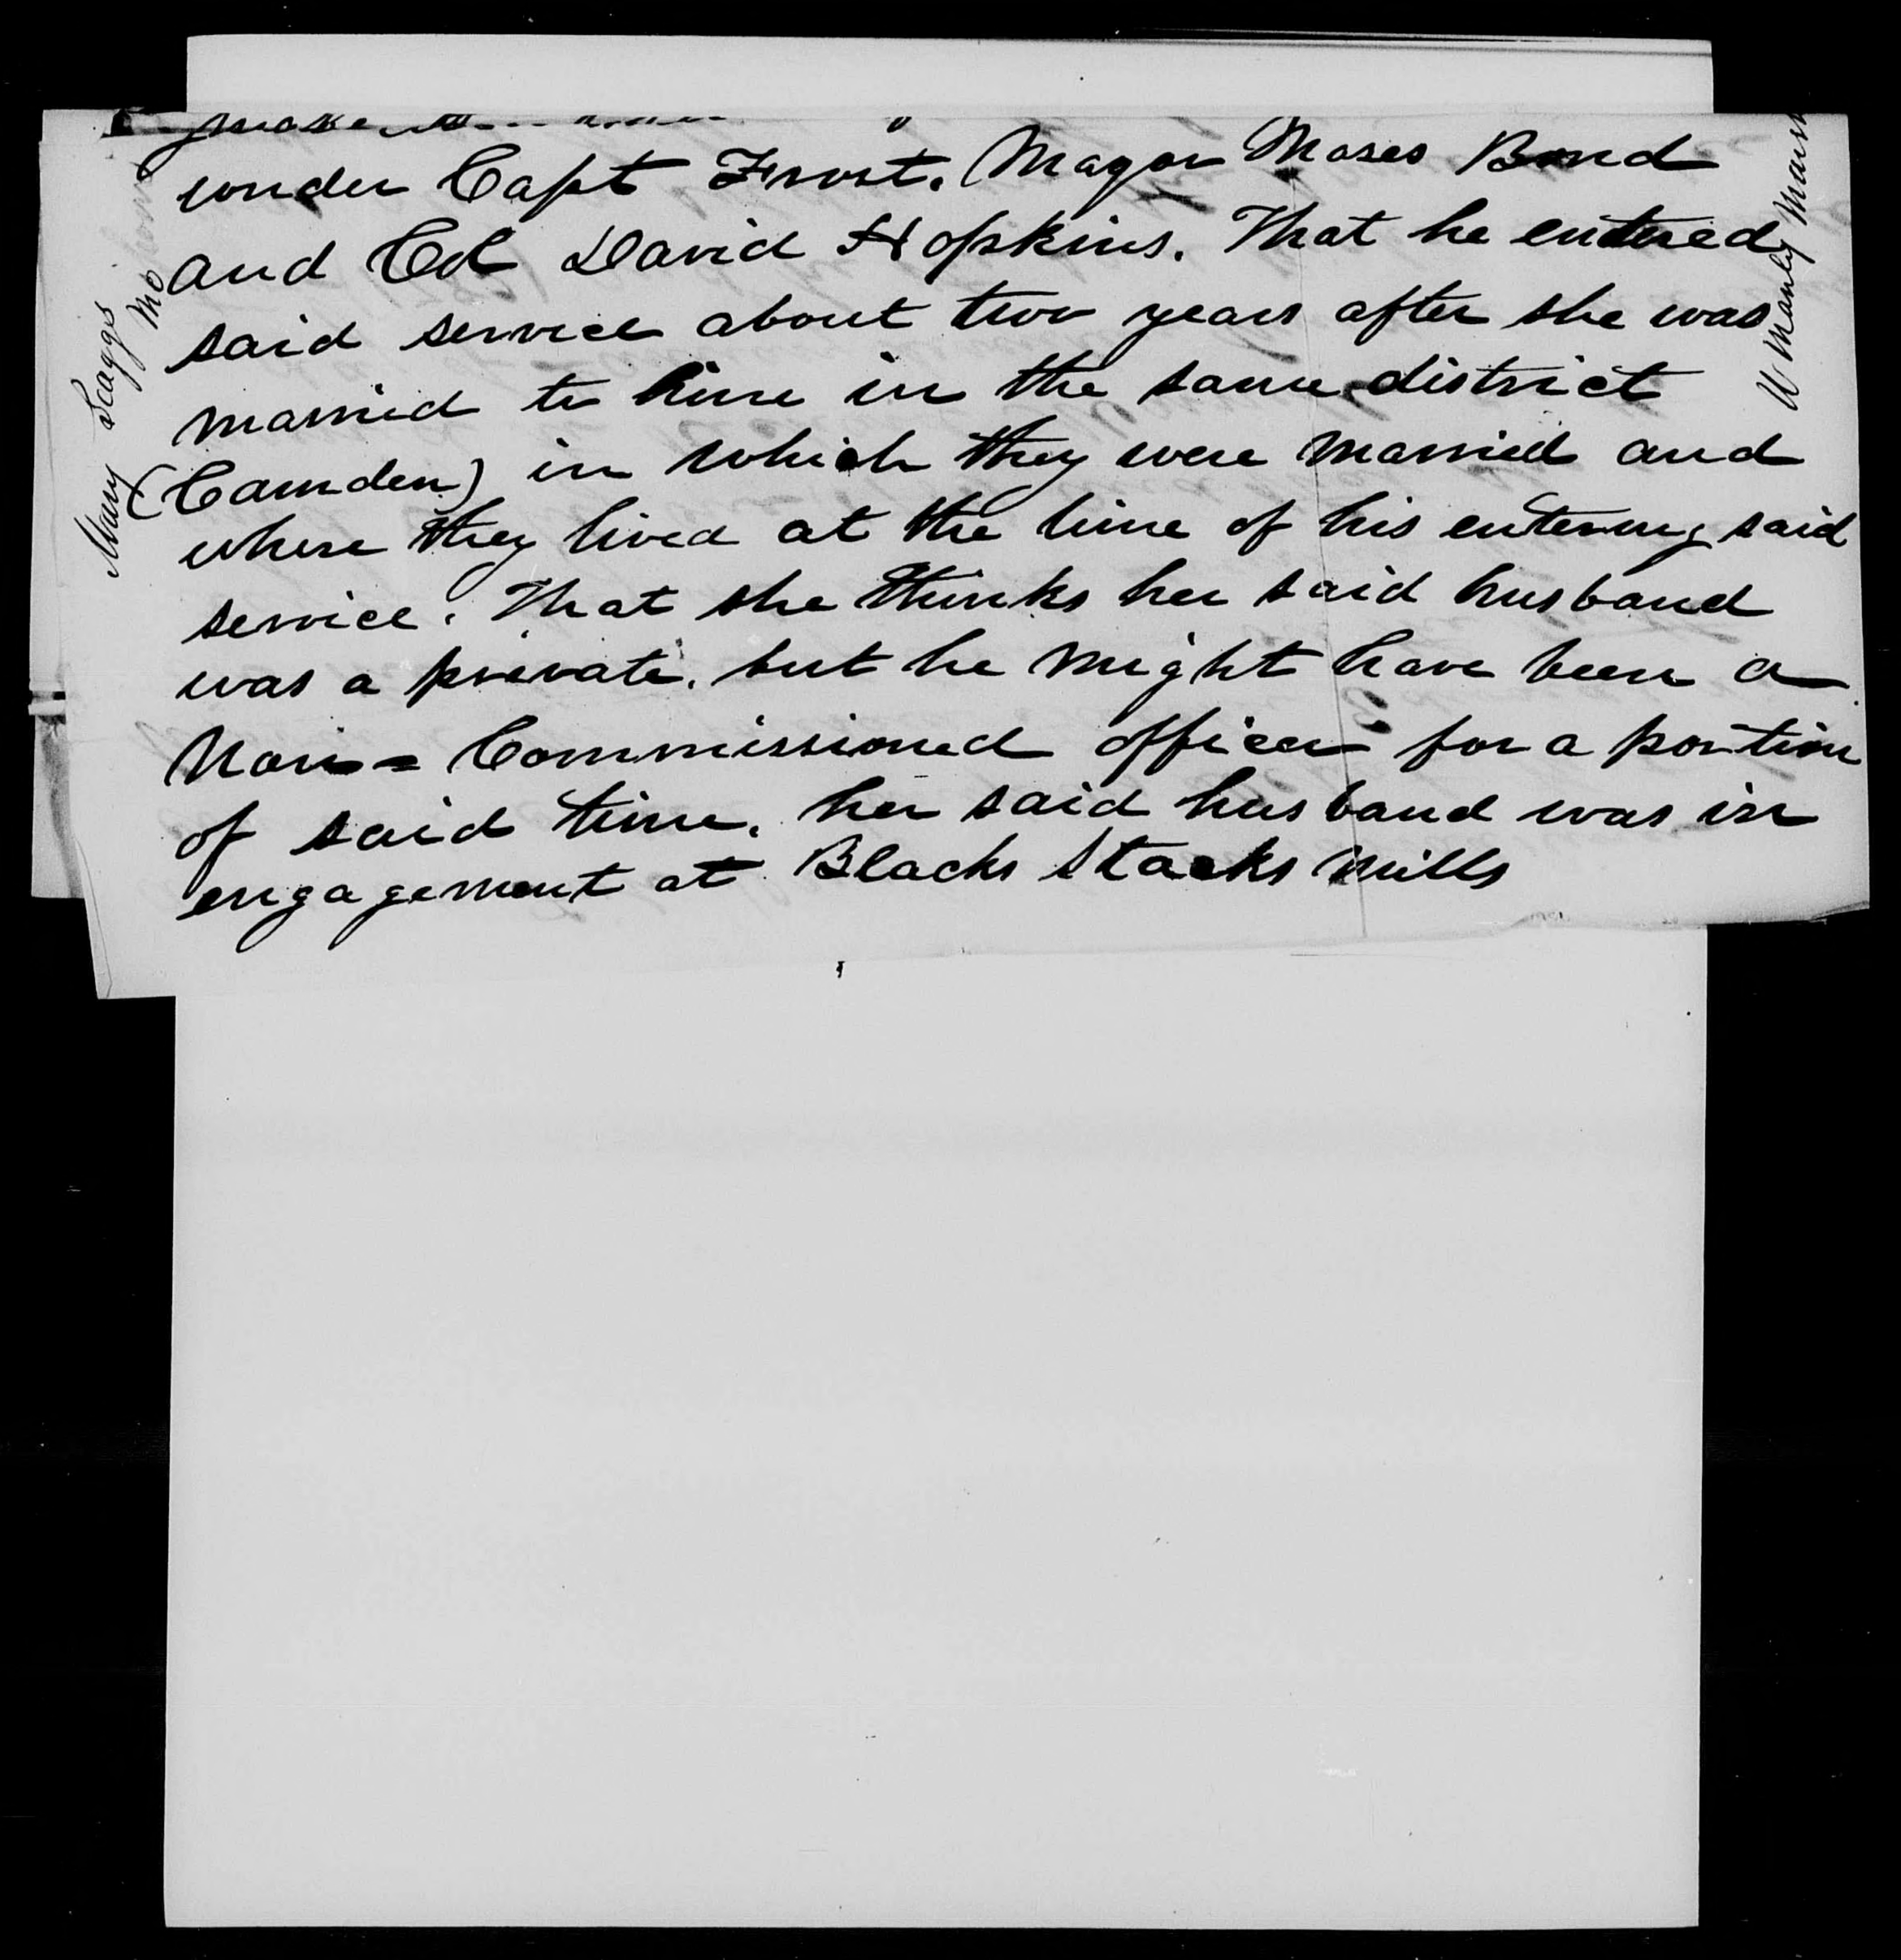under Capt Frost, Major Moses Bond and Col David  Hopkins, That he entered said service about two years after she was married to him in the same district (Camden) in which they were married and where they lived at the time of his entering said service. That she thinks her said husband was a private, but he might have been a Commissioned office for a portion of said time. her said husband was in engagement at
Blacks Stacks Mills

[sideways]
Marry Scaggs Mo.

W Manly Marshall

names: Frost, Mary Scaggs, W Manly Marshall, David Hopkins, Moses Bond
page: 4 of 16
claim: rejected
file: R. 9,250, Fletcher Edwards, S.C.